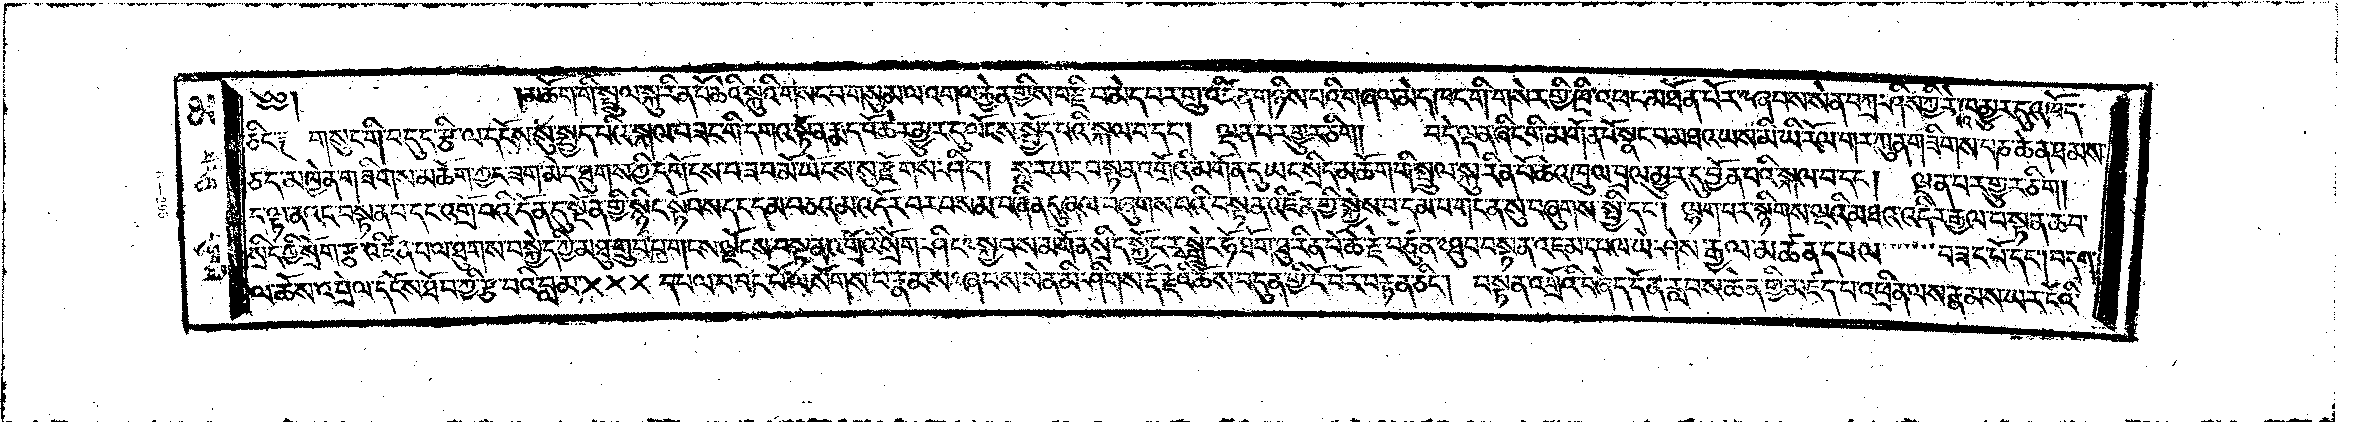༄༅། །མཆོག་གི་སྤྲུལ་སྐུ་རིན་པོ་ཆེའི་སྐུའི་གསང་བ་གསུམ་ལ་འགལ་རྐྱེན་གྱིས་བརྫི་བ་མེད་པར་གྲུ་འཛིན་གཉིས་པའི་གཞལ་མེད་ཁང་གི་གསེར་གྱི་ཁྲི་འཕང་མཐོན་པོར ༧ཞབས་སེན་བཀྲ་ཤིས་ཀྱི་རེ་ཁཱ་མྱུར་དུ་འཁོད་
ཅིང༑ གསུང་གི་བདུད་རྩི་ལ་དངོས་སུ་སྤྱད་པའི་སྐལ་བཟང་གི་དགའ་སྟོན་རྨད་པོ་ཆེར་མྱུར་དུ་ལོངས་སྤྱོད་པའི་སྐལ་བ་དང་། ལྡན་པར་གྱུར་ཅིག །བདེ་ལྡན་ཞིང་གི་མགོན་པོ་སྣང་བ་མཐའ་ཡས་མི་ཡི་རོལ་གར་ཀུན་གཟིགས་པཎ་ཆེན་ཐམས་
ཅད་མཁྱེན་གཟིགས་མཆོག་ཀྱང་ཟག་མེད་ཐུགས་ཀྱི་དགོངས་པ་ཟབ་མོ་ཡོངས་སུ་རྫོགས་ཤིང་། སླར་ཡང་བསྟན་འགྲོའི་མགོན་དུ་ཡང་སྲིད་མཆོག་གི་སྤྲུལ་སྐུ་རིན་པོ་ཆེ་འཁྲུལ་བྲལ་མྱུར་དུ་བྱོན་པའི་སྐལ་བ་དང་། ལྡན་པར་གྱུར་ཅིག །
ད་ལྟ་ནའང་བསྟན་པ་དང་འགྲོ་བའི་དོན་དུ་སྔོན་གྱི་སྙིང་སྟོབས་དང་དམ་བཅའ་མ་འདོར་བར་བསམ་བཞིན་དུ་ཞལ་བཞུགས་པའི་བསྟན་འཛིན་གྱི་སྐྱེས་བུ་དམ་པ་གང་ན་སུ་བཞུགས་སྤྱི་དང་། ལྷག་པར་སྙིགས་ལྔའི་མཐའ་འདིར་རྒྱལ་བསྟན་ཆབ་
སྲིད་ཀྱི་སྲོག་རྩ་འཛིན་པ་ལ་ཐུགས་བསྐྱེད་ཀྱི་མཐུ་གྲུབ་པ་གངས་ལྗོངས་བསྟན་འགྲོའི་སྲོག་ཤིང ༧སྐྱབས་མགོན་སྲིད་སྐྱོང་རྭ་སྒྲེང་ཧོ་ཐོག་ཐུ་རིན་པོ་ཆེ་རྗེ་བཙུན ༧ཐུབ་བསྟན་འཇམ་དཔལ་ཡེ་ཤེས་རྒྱལ་མཚན་དཔལ་བཟང་པོ་དང་། བདག་
ལ་ཆོས་འབྲེལ་དངོས་ཐོབ་ཀྱི་རྩ་བའི་བླ་མ་྾྾྾་དཔལ་བཟང་པོ་ལ་སོགས་པ་རྣམས ༧ཞབས་སེན་མི་ཤིགས་རྡོ་རྗེའི་ཆོས་བདུན་གྱི་ངོ་བོར་བརྟན་ཅིང་། བསྟན་འགྲོའི་བཞེད་དོན་རླབས་ཆེན་གྱི་མཛད་པ་འཕྲིན་ལས་རྣམས་ཡར་ངོའི་